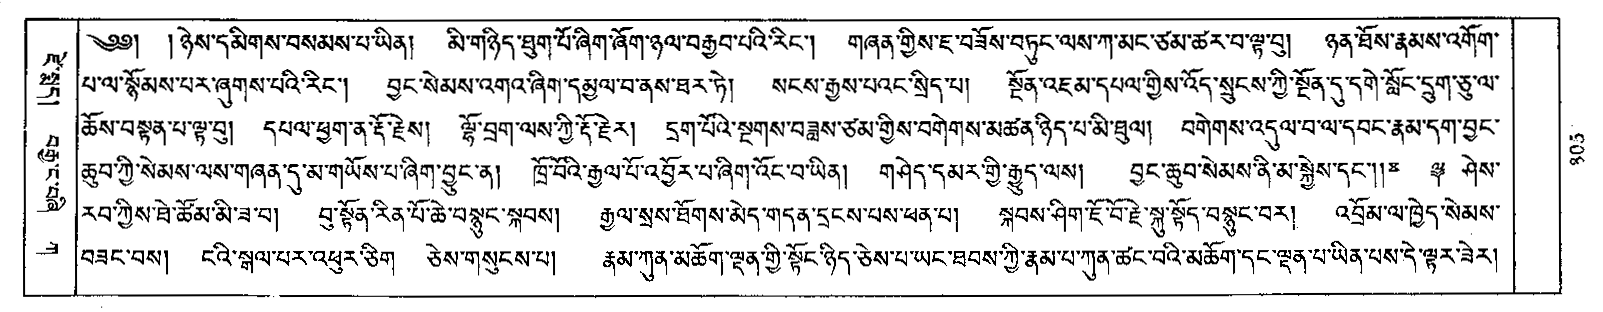༄༅། །ཉེས་དམིགས་བསམས་པ་ཡིན། མི་གཉིད་ཐུག་པོ་ཞིག་ཞོག་ཉལ་བརྒྱབ་པའི་རིང་། གཞན་གྱིས་ཇ་བཟོས་བཏུང་ལས་ཀ་མང་ཙམ་ཚར་བ་ལྟ་བུ། ཉན་ཐོས་རྣམས་འགོག་
པ་ལ་སྙོམས་པར་ཞུགས་པའི་རིང་། བྱང་སེམས་འགའ་ཞིག་དམྱལ་བ་ནས་ཐར་ཏེ། སངས་རྒྱས་པའང་སྲིད་པ། སྔོན་འཇམ་དཔལ་གྱིས་འོད་སྲུངས་ཀྱི་སྔོན་དུ་དགེ་སློང་དྲུག་ཅུ་ལ་
ཆོས་བསྟན་པ་ལྟ་བུ། དཔལ་ཕྱག་ན་རྡོ་རྗེས། ལྷོ་བྲག་ལས་ཀྱི་རྡོ་རྗེར། དྲག་པོའི་སྔགས་བཟླས་ཙམ་གྱིས་བགེགས་མཚན་ཉིད་པ་མི་ཐུལ། བགེགས་འདུལ་བ་ལ་དབང་རྣམ་དག་བྱང་
ཆུབ་ཀྱི་སེམས་ལས་གཞན་དུ་མ་གཡོས་པ་ཞིག་བྱུང་ན། ཁྲོ་བོའི་རྒྱལ་པོ་འབྱོར་པ་ཞིག་འོང་བ་ཡིན། གཤེད་དམར་གྱི་རྒྱུད་ལས། བྱང་ཆུབ་སེམས་ནི་མ་སྐྱེས་དང།། ྾་༈ ཤེས་
རབ་ཀྱིས་ཐེ་ཚོམ་མི་ཟ་བ། བུ་སྟོན་རིན་པོ་ཆེ་བསྙུང་སྐབས། རྒྱལ་སྲས་ཐོགས་མེད་གདན་དྲངས་པས་ཕན་པ། སྐབས་ཤིག་ཇོ་བོ་རྗེ་སྐུ་སྟོད་བསྙུང་བར། འབྲོམ་ལ་ཁྱེད་སེམས་
བཟང་བས། ངའི་སྒལ་པར་འཕུར་ཅིག་ཅེས་གསུངས་པ། རྣམ་ཀུན་མཆོག་ལྡན་གྱི་སྟོང་ཉིད་ཅེས་པ་ཡང་ཐབས་ཀྱི་རྣམ་པ་ཀུན་ཚང་བའི་མཆོག་དང་ལྡན་པ་ཡིན་པས་དེ་ལྟར་ཟེར།